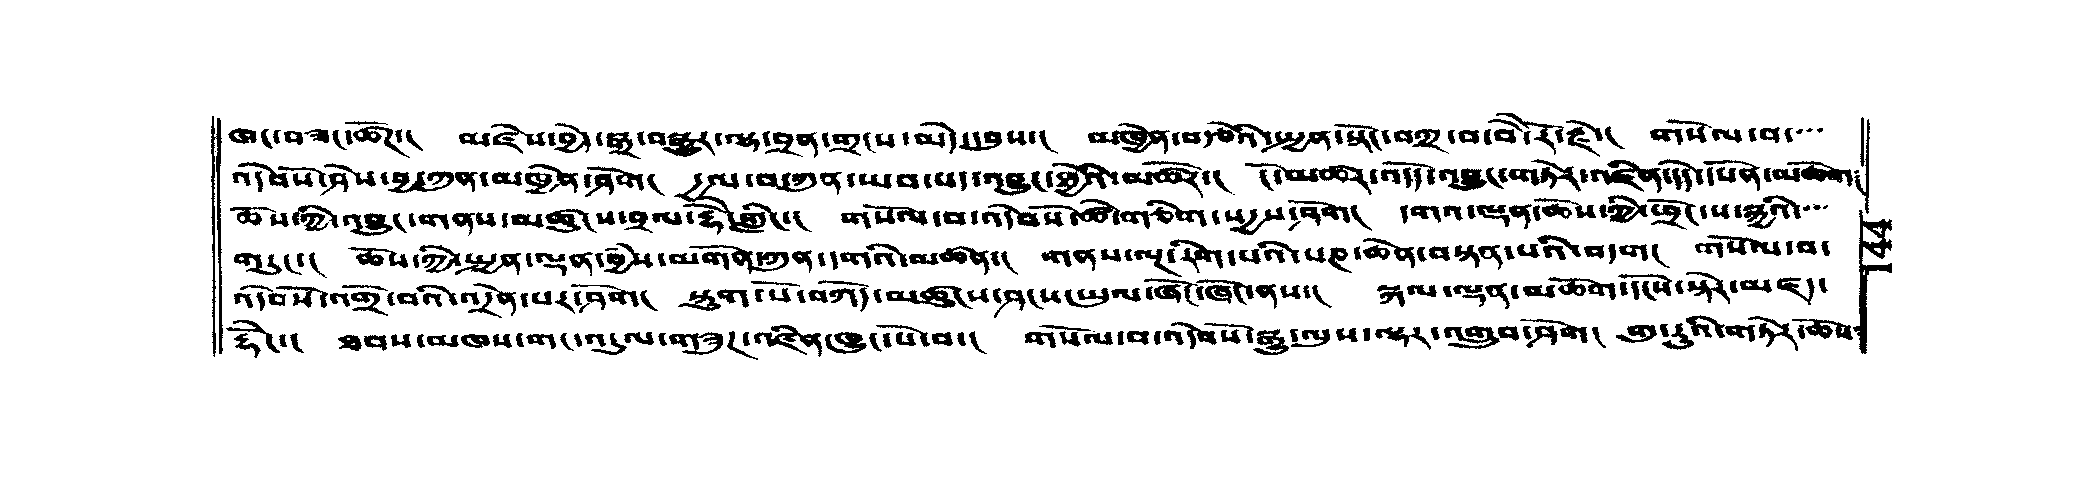ཁང་བཟང་ཚོགས། །མཛེས་བྱེད་སྒྲ་བསྒྱུར་ལྷ་བྲན་གྲངས་མེད་དབུས། །མཁྱེན་བརྩེའི་སྤྱན་སྟོང་བཀྲ་བ་བཻ་རོ་རྗེ། །གསོལ་བ་
འདེབས་སོ་ཤེས་བྱ་ཀུན་མཁྱེན་ཤོག །རྒྱལ་བ་ཀུན་ཡབ་པད་འབྱུང་ཐུགས་རྗེའི་མཚོར། །ངོ་མཚར་འདོད་འབྱུང་གཏེར་འཛིན་དེད་དཔོན་མཆོག །
ཆོས་ཀྱི་འབྱུང་གནས་མཚུངས་བྲལ་རྡོ་རྗེ་གླིང་། །གསོལ་བ་འདེབས་སོ་ཚེ་གཅིག་སངས་རྒྱས་ཤོག །དགའ་ལྡན་ཆོས་ཀྱི་ཕོ་བྲང་ས་སྐྱའི་
གདུང་། །ཆོས་ཀྱི་སྤྱན་ལྡན་བྱམས་མགོན་ཀུན་དགའི་མཚན། །གནས་ལྔ་རིག་པའི་པཎ་ཆེན་བསྟན་པའི་བདག །གསོལ་བ་
འདེབས་སོ་འགྲོ་བའི་འདྲེན་པར་ཤོག །སྟུག་པོ་བཀོད་མཚུངས་ཤངས་ཡུལ་ཞོང་ཞོང་ནས། །སྐལ་ལྡན་མཆོག་དངོས་སྟེར་མཛད་
རྡོ་རྗེ་འཆང་། །ཐབས་མཁས་གང་འདུལ་གཟུགས་འཛིན་ཁྱུང་པོ་བ། །གསོལ་བ་འདེབས་སོ་སྒྱུ་ལུས་ལྷར་འགྲུབ་ཤོག །གུ་རུའི་གཏེར་ཆོས་